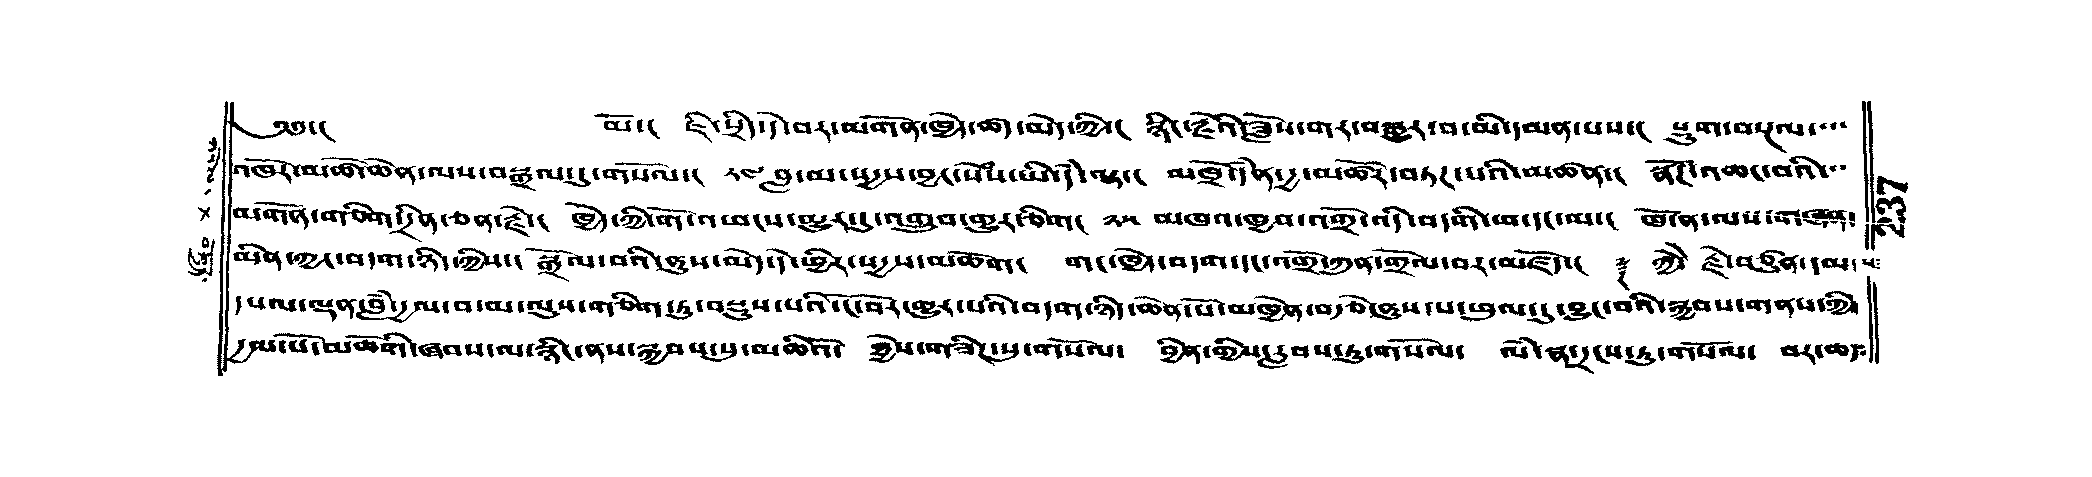མོ། །ཇི་སྲིད་དེ་བར་མགོན་ཁྱེད་ཚད་མེད་ཀྱི། །སྙིང་རྗེའི་ཟློས་གར་བསྒྱུར་བ་མི་དམན་པས། །སྡུག་བསྔལ་
འཁོར་མཚོ་ཆེ་ལས་བསྒྲལ་དུ་གསོལ། ༢༤ །བླ་མ་སངས་རྒྱས་བྱང་སེམས་ཡི་དམ་ལྷ། །མཁའ་འགྲོ་དམ་ཅན་རྒྱ་མཚོར་བཏགས་པའི་མཚན། །སྣ་ཚོགས་འཆང་བའི་
མགོན་གཅིག་དྲིན་ཅན་རྗེ། །ཁྱེད་ཀྱི་གོ་འཕང་མྱུར་དུ་འགྲུབ་གྱུར་ཅིག ༢༥ །མཁའ་ཁྱབ་འགྲོ་འདི་བདག་གི་ཕ་དང་མ། །ཁོ་ན་ལས་གཞན་
མིན་ཀྱང་བདག་ཉིད་ཀྱིས། །སྒྲོལ་བའི་ནུས་མེད་དེ་ཕྱིར་སངས་རྒྱས་མཆོག །གང་ཁྱེད་བདག་དང་འགྲོ་ཀུན་གྲོལ་བར་མཛོད། ༈ ཀྱཻ། རྗེ་བཙུན་དམ་པ་
དཔལ་ལྡན་བླ་མ་རྒྱལ་བ་མ་ལུས་གཅིག་ཏུ་བསྡུས་པའི་ངོ་བོར་གྱུར་པའི་བདག་ཉིད་ཆེན་པོ་མཁྱེན་བརྩེ་ནུས་པ་ཕུལ་དུ་བྱུང་བའི་སྐྱབས་གནས་ཀྱི་
རྒྱལ་པོ་མཆོག་གི་ཞབས་ལ་སྙིང་ནས་སྐྱབས་སུ་མཆིའོ། ཐུགས་རྗེས་གཟིགས་སུ་གསོལ། བྱིན་གྱིས་བརླབ་ཏུ་གསོལ། ལམ་སྣ་དྲང་ཏུ་གསོལ། བར་ཆད་